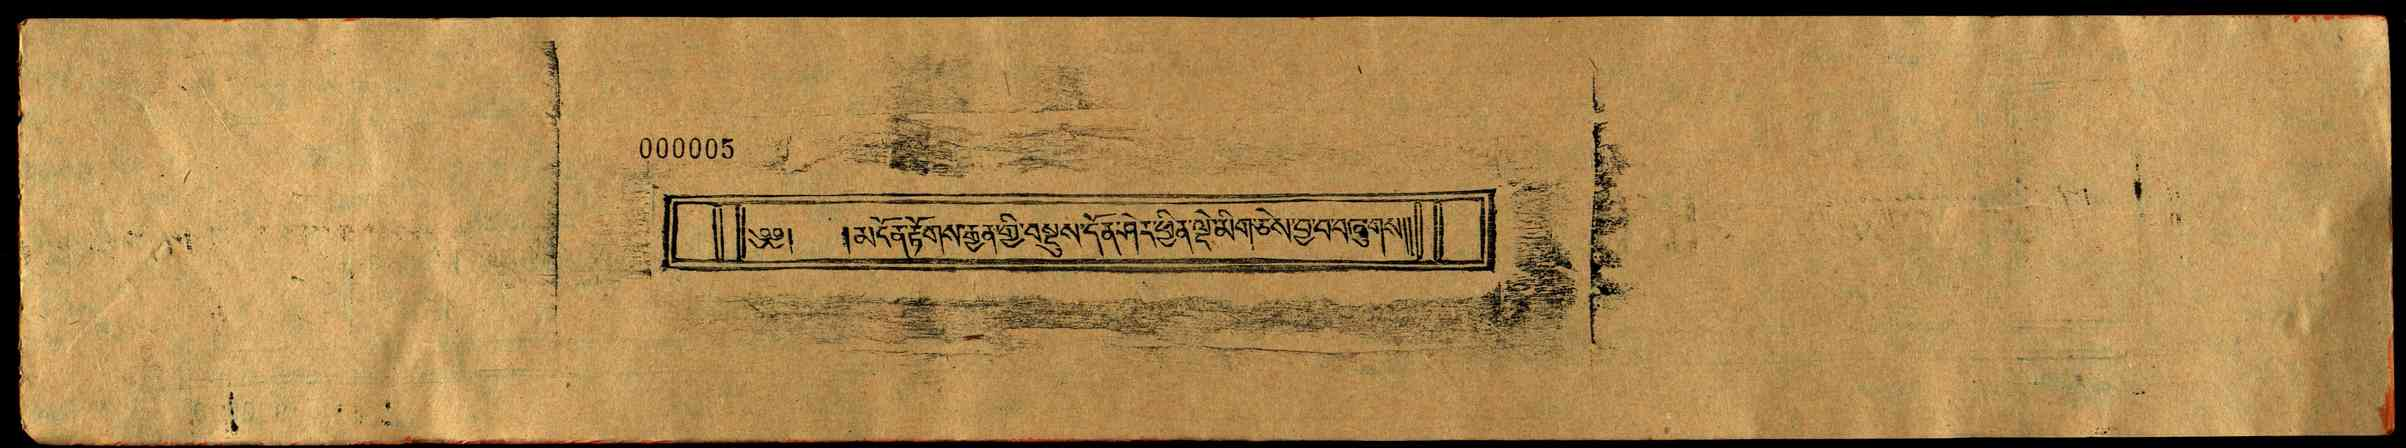།མངོན་རྟོགས་རྒྱན་གྱི་བསྡུས་དོན་ཤེར་ཕྱིན་ལྡེ་མིག་ཅེས་བྱ་བ་བཞུགས།།